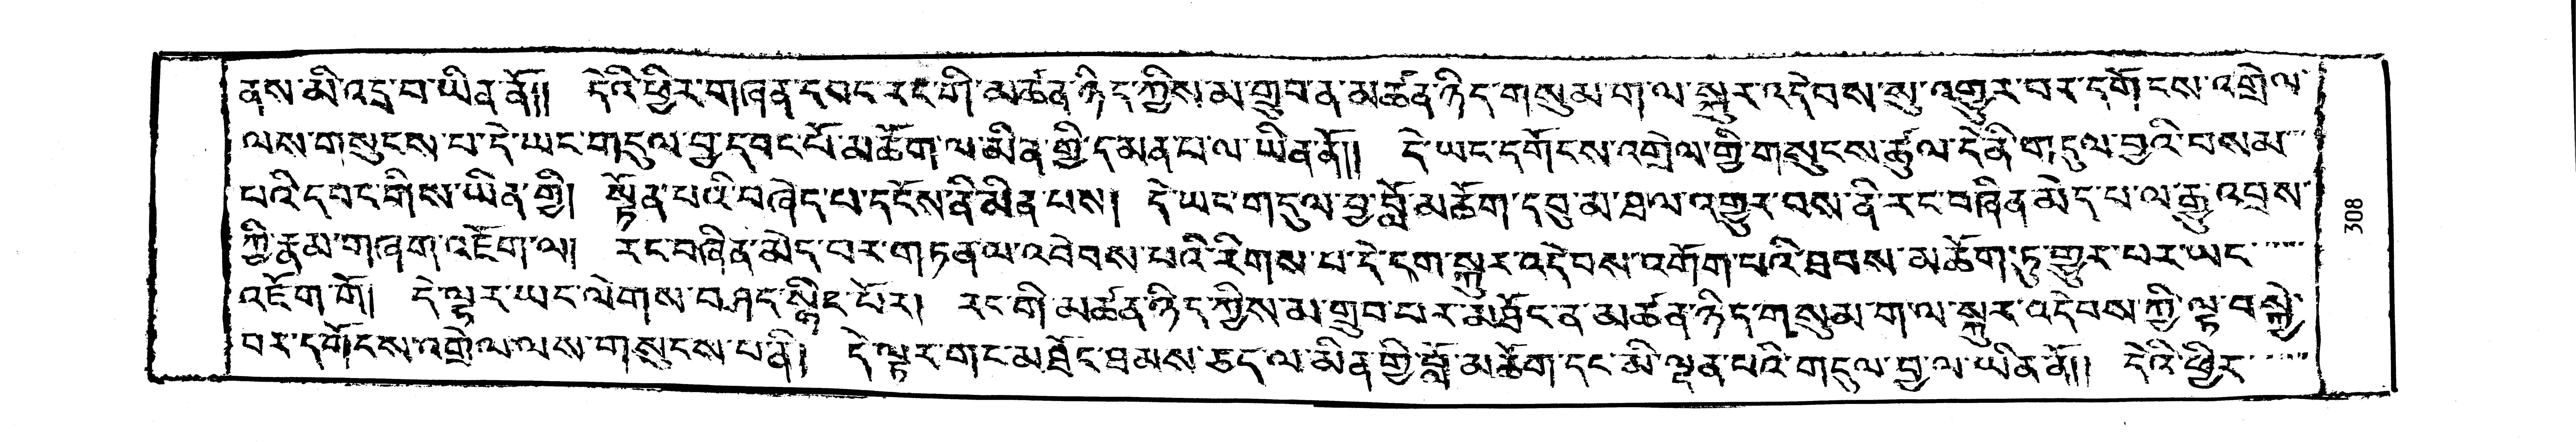ནས་མི་འདྲ་བ་ཡིན་ནོ། །དེའི་ཕྱིར་གཞན་དབང་རང་གི་མཚན་ཉིད་ཀྱིས་མ་གྲུབ་ན་མཚན་ཉིད་གསུམ་ག་ལ་སྐུར་འདེབས་སུ་འགྱུར་བར་དགོངས་འགྲེལ་
ལས་གསུངས་པ་དེ་ཡང་གདུལ་བྱ་དབང་པོ་མཆོག་ལ་མིན་གྱི་དམན་པ་ལ་ཡིན་ནོ། །དེ་ཡང་དགོངས་འགྲེལ་གྱི་གསུངས་ཚུལ་དེ་ནི་གདུལ་བྱའི་བསམ་
པའི་དབང་གིས་ཡིན་གྱི། སྟོན་པའི་བཞེད་པ་དངོས་ནི་མིན་པས། དེ་ཡང་གདུལ་བྱ་བློ་མཆོག་དབུ་མ་ཐལ་འགྱུར་པས་ནི་རང་བཞིན་མེད་པ་ལ་རྒྱུ་འབྲས་
ཀྱི་རྣམ་གཞག་འཇོག་ལ། རང་བཞིན་མེད་པར་གཏན་ལ་འབེབས་པའི་རིགས་པ་དེ་དག་སྐུར་འདེབས་འགོག་པའི་ཐབས་མཆོག་ཏུ་གྱུར་པར་ཡང་
འཇོག་གོ། དེ་ལྟར་ཡང་ལེགས་བཤད་སྙིང་པོར། རང་གི་མཚན་ཉིད་ཀྱིས་མ་གྲུབ་པར་མཐོང་ན་མཚན་ཉིད་གསུམ་ག་ལ་སྐུར་འདེབས་ཀྱི་ལྟ་བ་སྐྱེ་
བར་དགོངས་འགྲེལ་ལས་གསུངས་པ་ནི། དེ་ལྟར་གང་མཐོང་ཐམས་ཅད་ལ་མིན་གྱི་བློ་མཆོག་དང་མི་ལྡན་པའི་གདུལ་བྱ་ལ་ཡིན་ནོ། །དེའི་ཕྱིར་